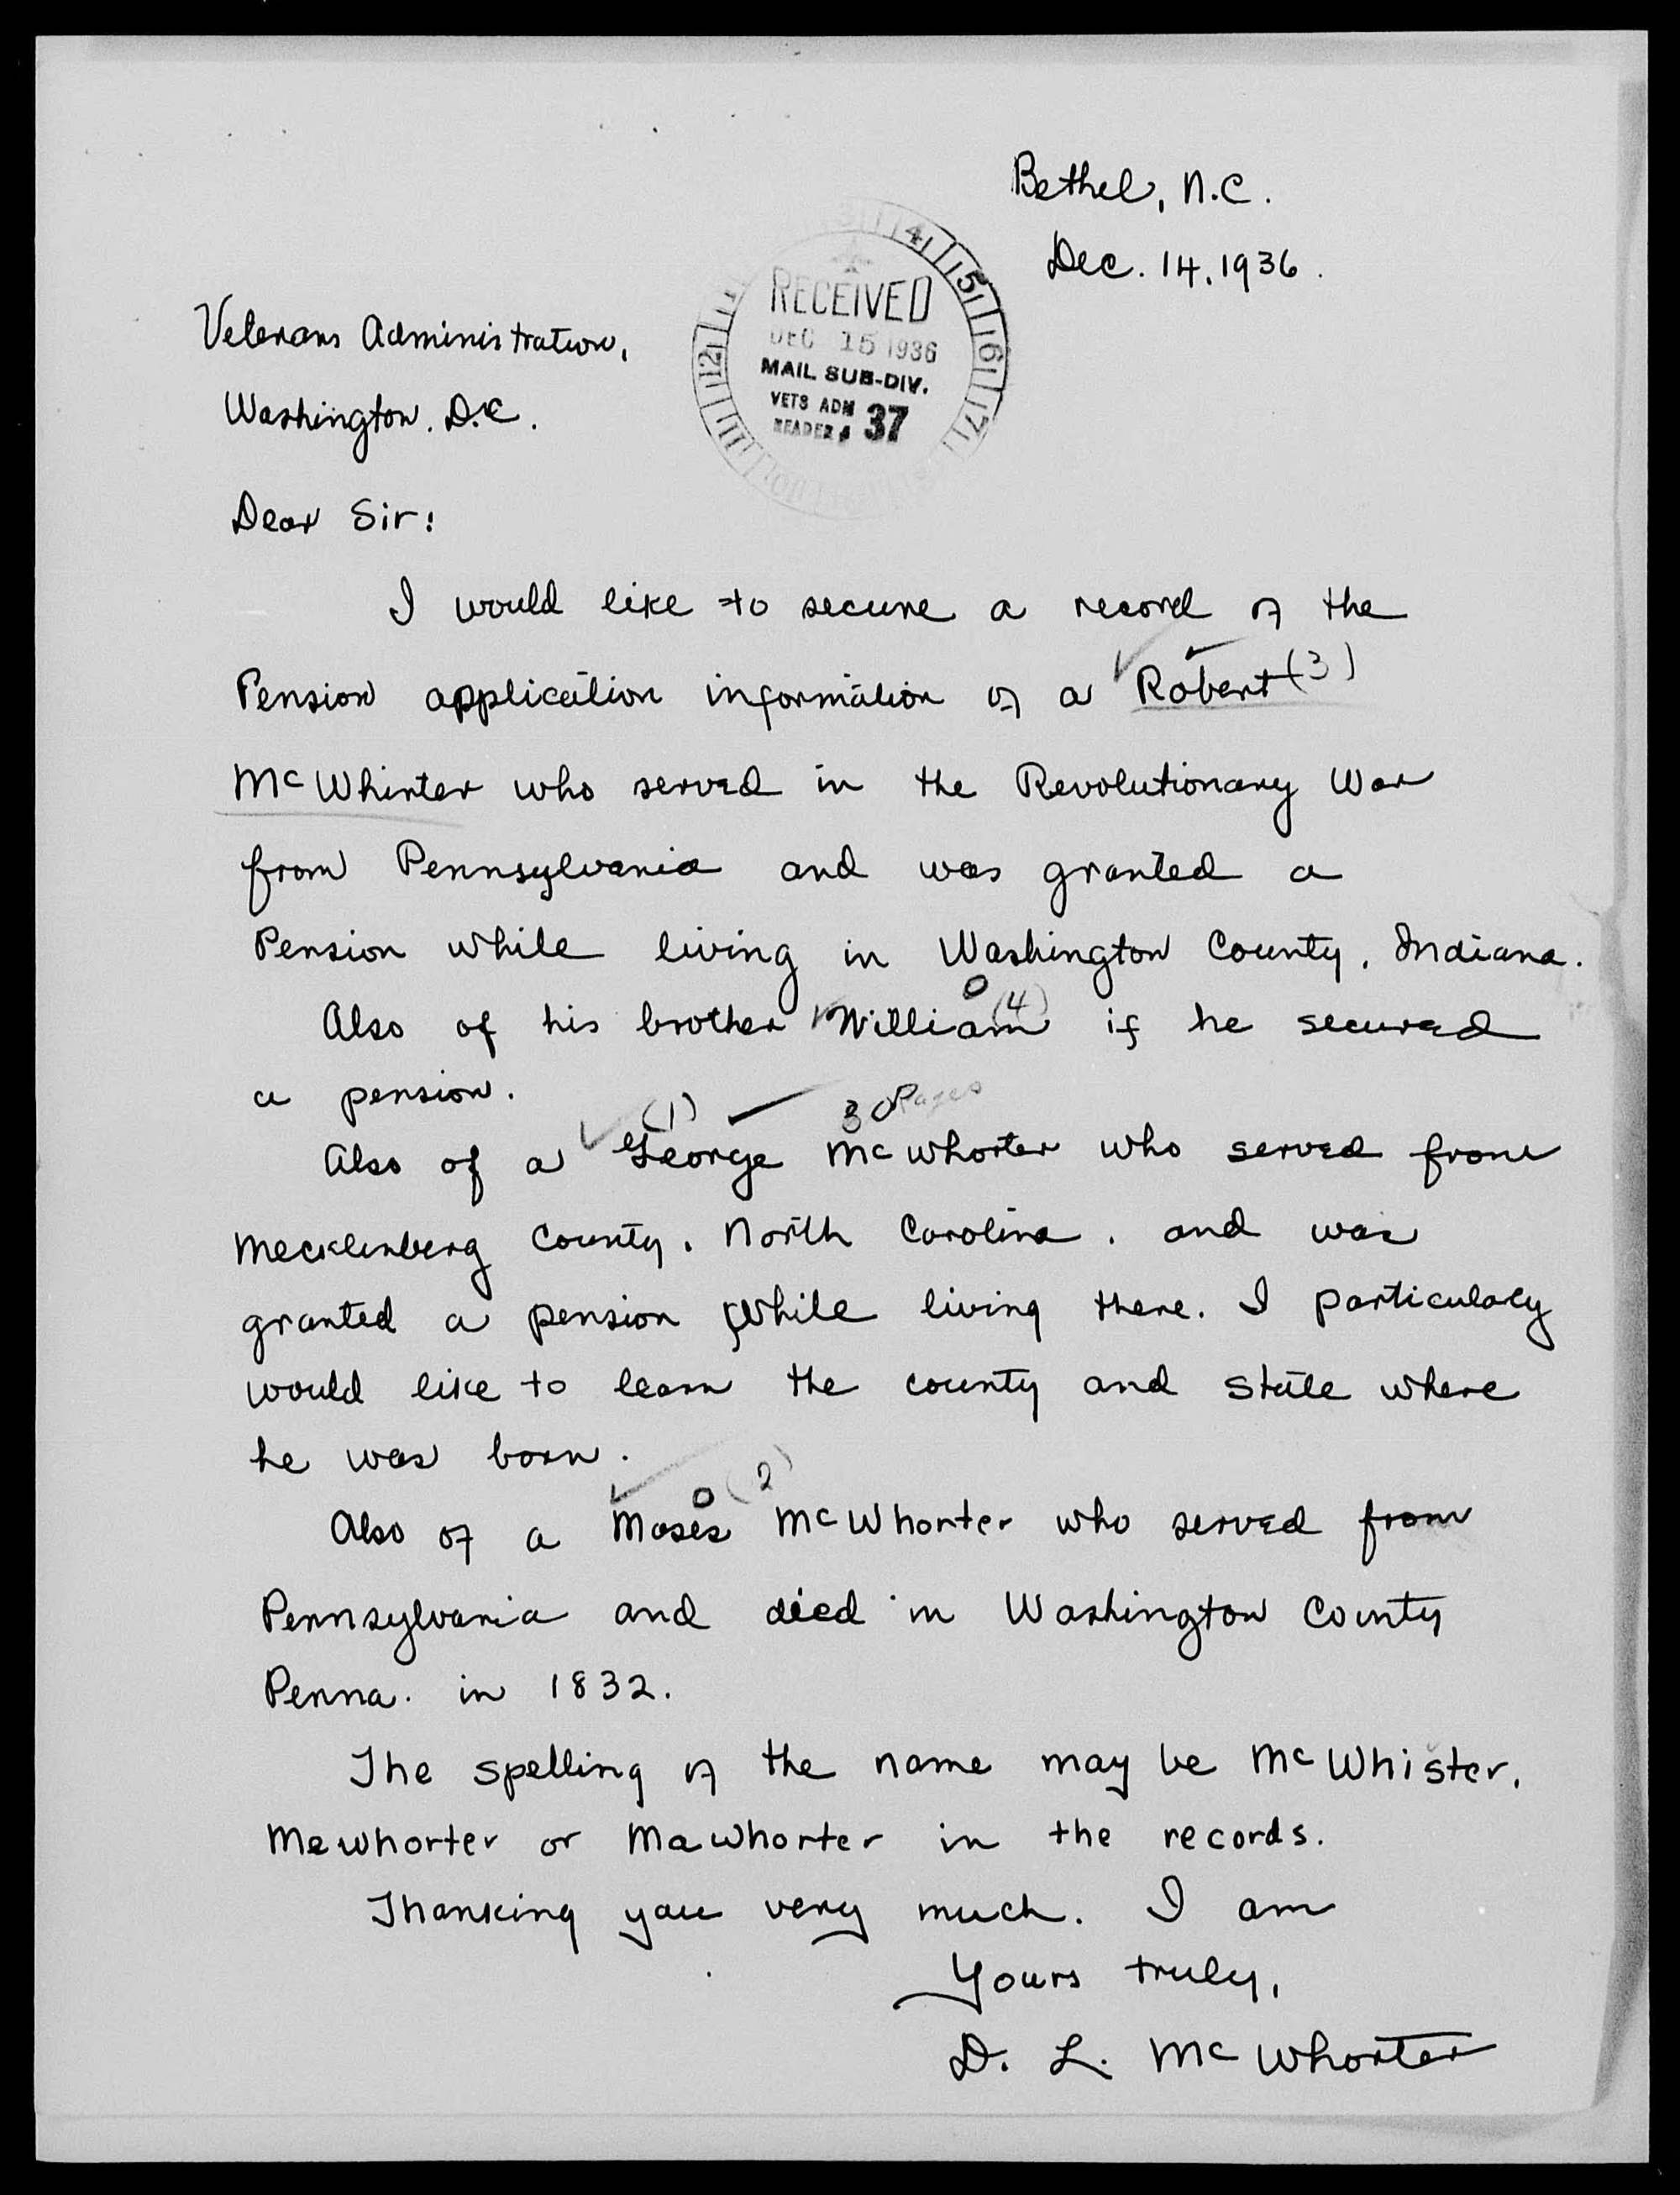(post mark )[  RECEIVED DEC 15 1936 MAIL-SUB VETS ADM HEADER # 37]                         
                                          Bethel , N.C.                               
                                          Dec . 14, 1936                    
Veterans Administration                      
Washington , D.C.                                           Dear Sur: I would like to secure a record of the Pension application information of a  Robert  (3)  ( check mark ) McWhirter who served in the Revolutionary  War from Pennsylvania and was granted a Pension while living in  Washington County , Indiana. Also of his brother  William (4) ( check mark ) if he secured a pension. Also of a George (1) ( check mark 3 pages ) McWhorter who served from Mecklenburg County , North Carolina , and was granted a pension while living there . I particularly would like to know the County and State where he was born.  Also of a Moses McWhorter (2) ( check mark )  who served from Pennsylvania and died in Washington County Penna. in 1832. The spelling of the name may be McWhister, or MaWhorter in the records. Thanking you very much. I am yours truly , D. L. McWhorter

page: 30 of 35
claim: survivor's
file: S. 9,011, for George Mc Whorter, North Carolina